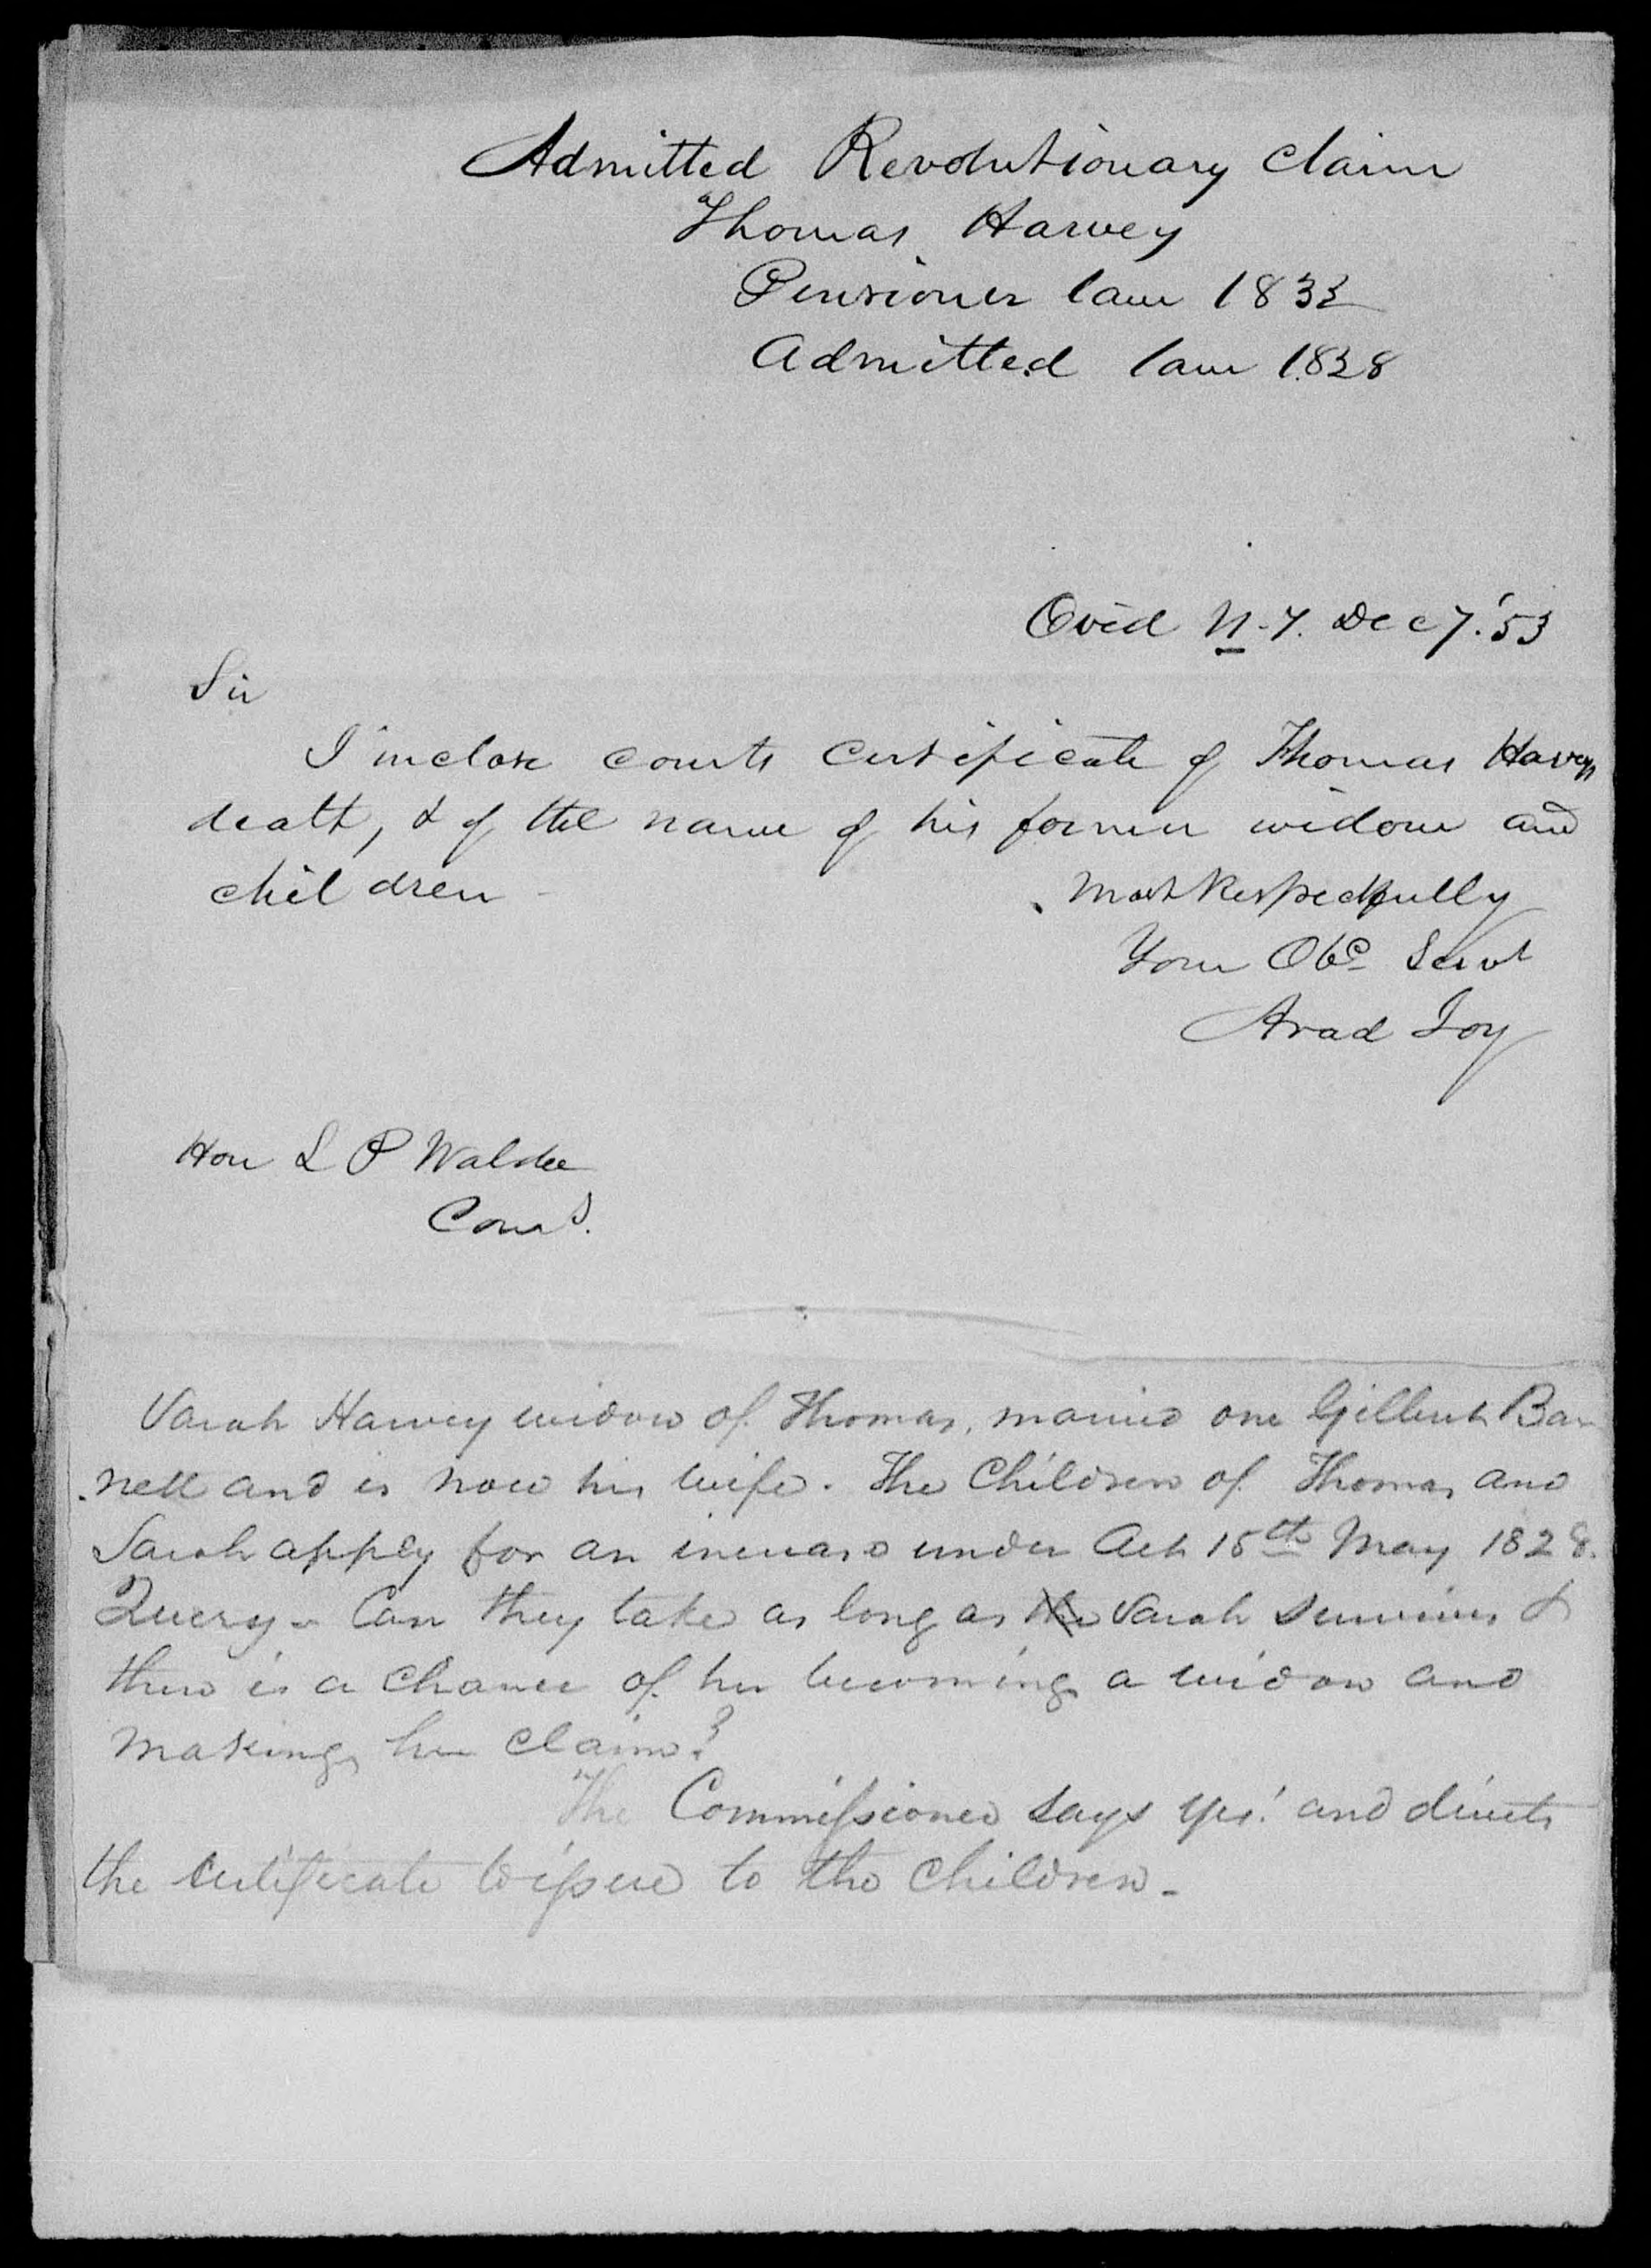[handwritten letter]
Admitted Revolutionary claim
Thomas Harvey
Pensioner law 1832
Admitted law 1828

Ovid N.Y. Dec 7 '53

Sir
I inclose court certificate of Thomas Harvey's death, & of the name of his former widow and children - 
Most Respectfully Your Obt Serv't
/s/Arad Joy
Hon. L. P. Waldo 
Com'r
Sarah Harvey widow of Thomas, married one Gilbert Barnett and is now his wife. The Children of Thomas and Sarah apply for an increase under Act 18th May 1828. 
Query - Can they take as long as ['the' crossed out] Sarah survives & there is a chance of her becoming a widow and making the claim?
The Commissioner says yes, and directs the Certificate to issue to the children.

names: Sarah, Thomas Harvey, Arad Joy, Thomas Harvey, Gilbert Barnett, L P Waldo, Thomas Harvey, Thomas, Sarah Harvey, Sarah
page: 19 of 80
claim: survivor's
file: S. 18008, Thomas Harvey, N.H.